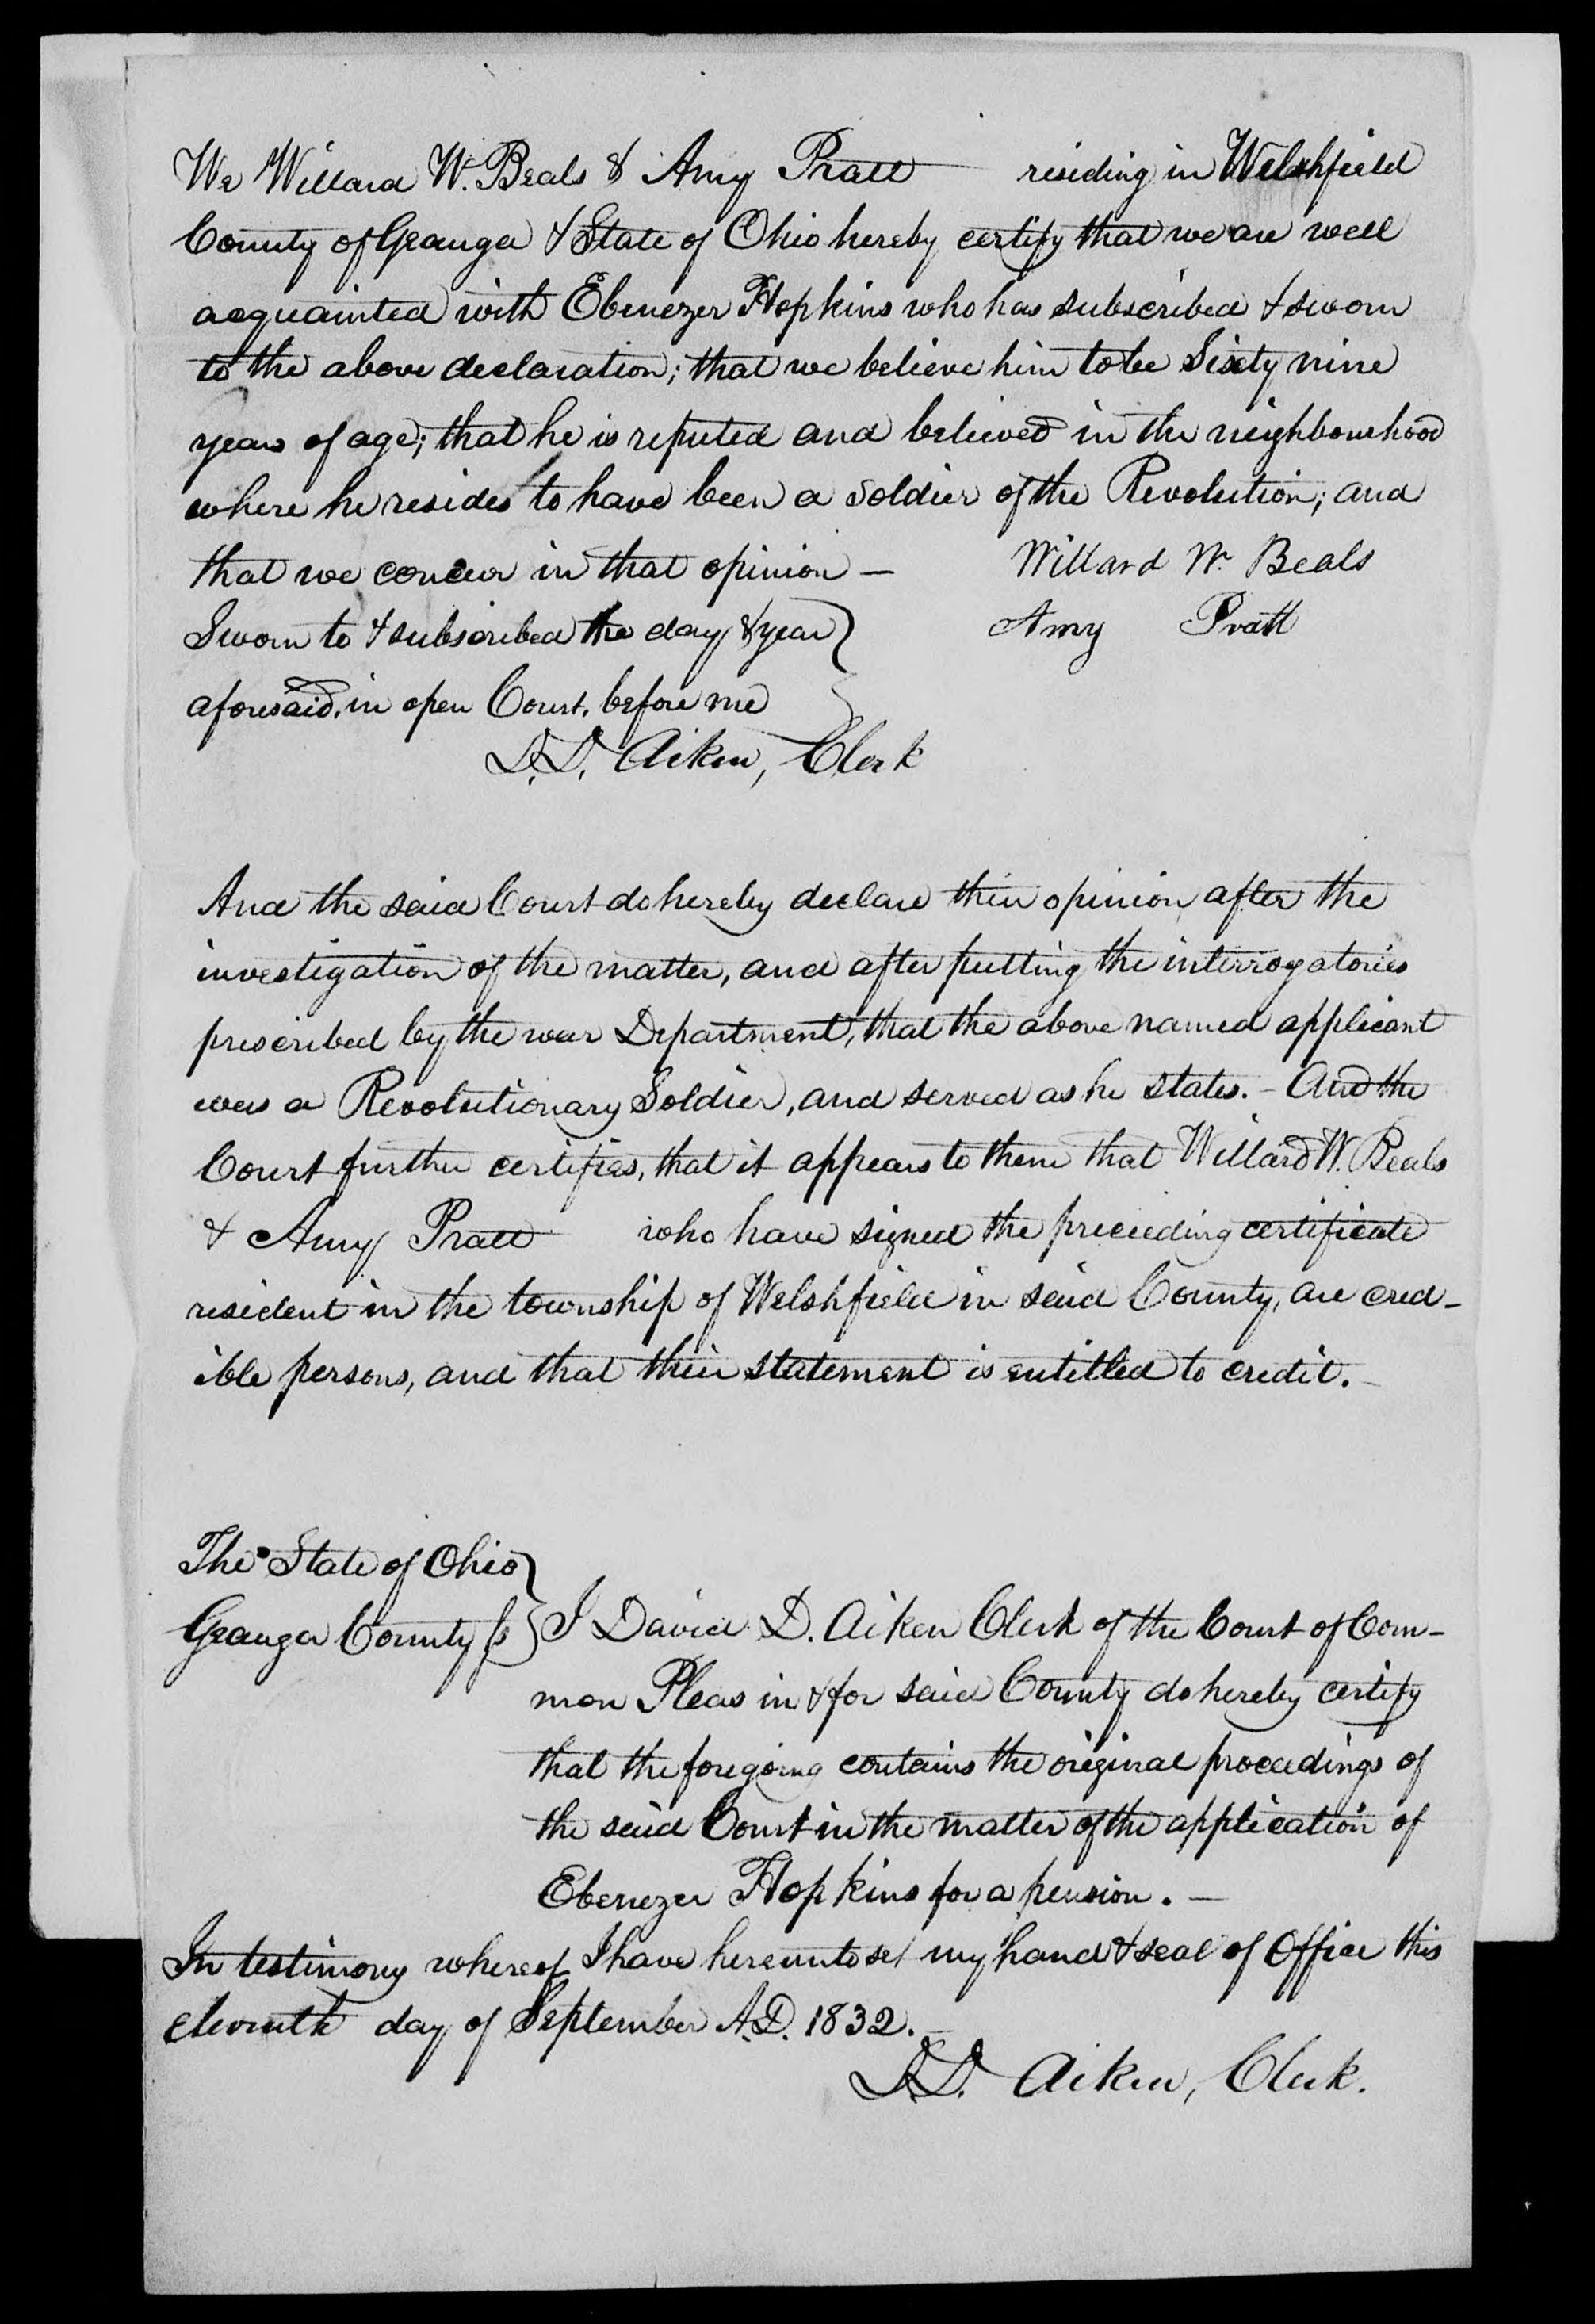We Willard W. Beals & Amy Pratt residing in Welchfield County of Geauga & State of Ohio hereby certify that we are well acquainted with Ebenezer Hopkins who has subscribed & sworn to the above declaration; that we believe him to be Sixty nine
years of age; that he is reputed and believed in the neighbourhood where he resides to have been a soldier of the Revolution; and that we concur in that opinion-    Willard W. Beals
Sworn to & subscribed the day & year}   Amy Pratt
aforesaid in open Court, before me}
D. D. Aiken, Clerk

And the said Court do hereby declare their opinion after the investigation of the matter, and after putting the interrogatories prescribed by the war Department, that the above named applicant was a Revolutionary Soldier, and served as he states. And the Court further certifies, that it appears to them that Willard W Beals
& Mary Pratt who have signed the preceeding certificate resident in the township of Welshfield in said County, are credible persons, and that their statement is entitled to credit.

The State of Ohio}
Geauga County SS}  I David D. Aiken Clerk of the Court of Common Pleas in & for said County do hereby certify that the foregoing contains the original proceeding
the said Court in the matter of the application Ebenezer Hopkins for a pension.

In testimony whereof I have hereunto set my hand & seal of Office
eleventh day of September A.D. 1832.
D.D. Aiken Clerk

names: Ebenezer Hopkins, Willard W Beals, Amy Pratt, David D Aiken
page: 69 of 144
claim: rejected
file: R. 5208, Dennis Hopkins, N.C.